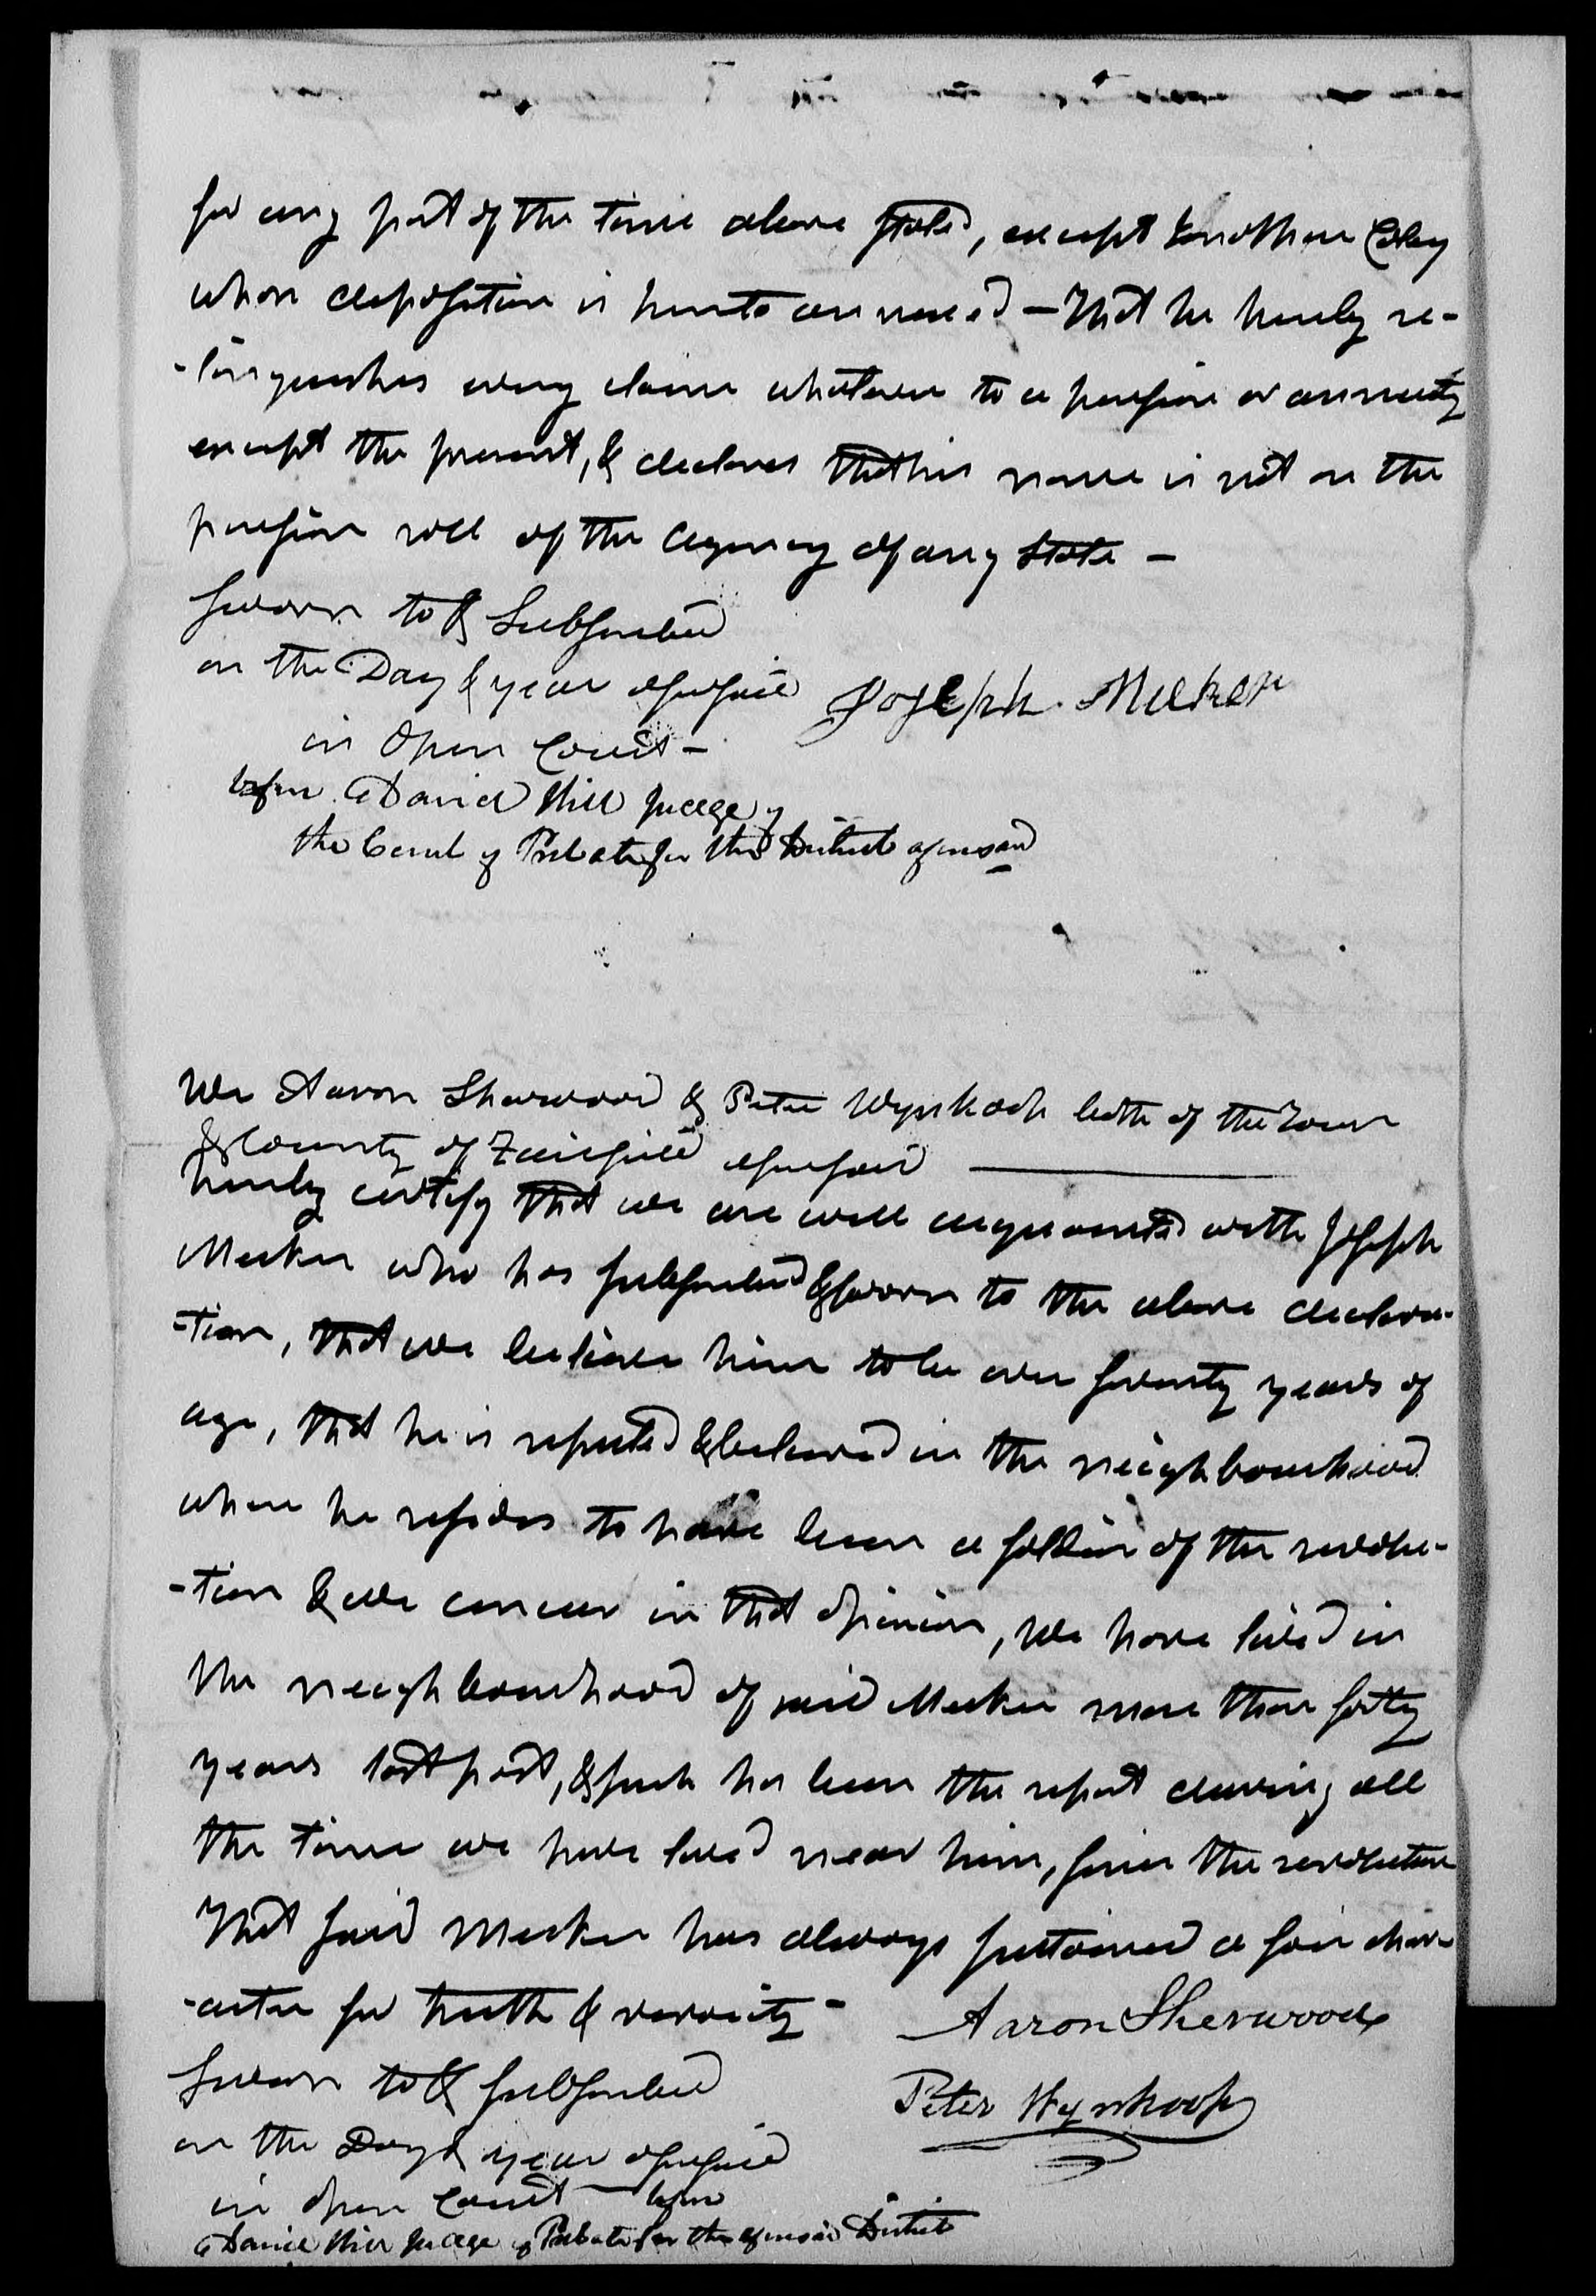for any part of the time above stated, except Jonathan Coley whose deposition is hereunto annexed - That he hereby relinquishes every claim whatever to a pension or annuity except the present, & declares that his name is not on the pension roll of the  agency of any State -
Sworn to & Subscribed
on the Day & year aforesaid
in Open Court        [Signed] Joseph Meeker
before David Hill Judge of 
the Court  of Probate for the District afrsd

Mr. Aaron Sherwood & Peter Wynkosh both of the town & County of Fairfield aforesaid __________ hereby certify that we are well acquainted with Joseph Meeker who has subscribed & sworn to the above declaration, that we believe him to be over seventy years of age, that he is respected & believed in the neighborhood when he resides to have been a soldier of the revolution & we concur in that opinion, we have [illegible word] in the neighborhood of said in the neighborhood of said Meeker more than forty years last past, & [illegible word] have not been the report during all the time we have lived near him, from the revolution that said Meeker has always sustained a fair character for truth & veracity -  
                    [Signed]  Aaron Sherwood
                                   Peter Wynkosh
Sworn to & Subscribed
on the Day & year  aorefsaid
in Open Court - before
G. David Hill Judge of Probate for the aforesaid District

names: Jonathan Coley; David Hill; Joseph Meeker; Aaron Sherwood; Peter Wynkoop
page: 7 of 22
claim: survivor's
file: S. 15,517, for Joseph Meeker, Connecticut